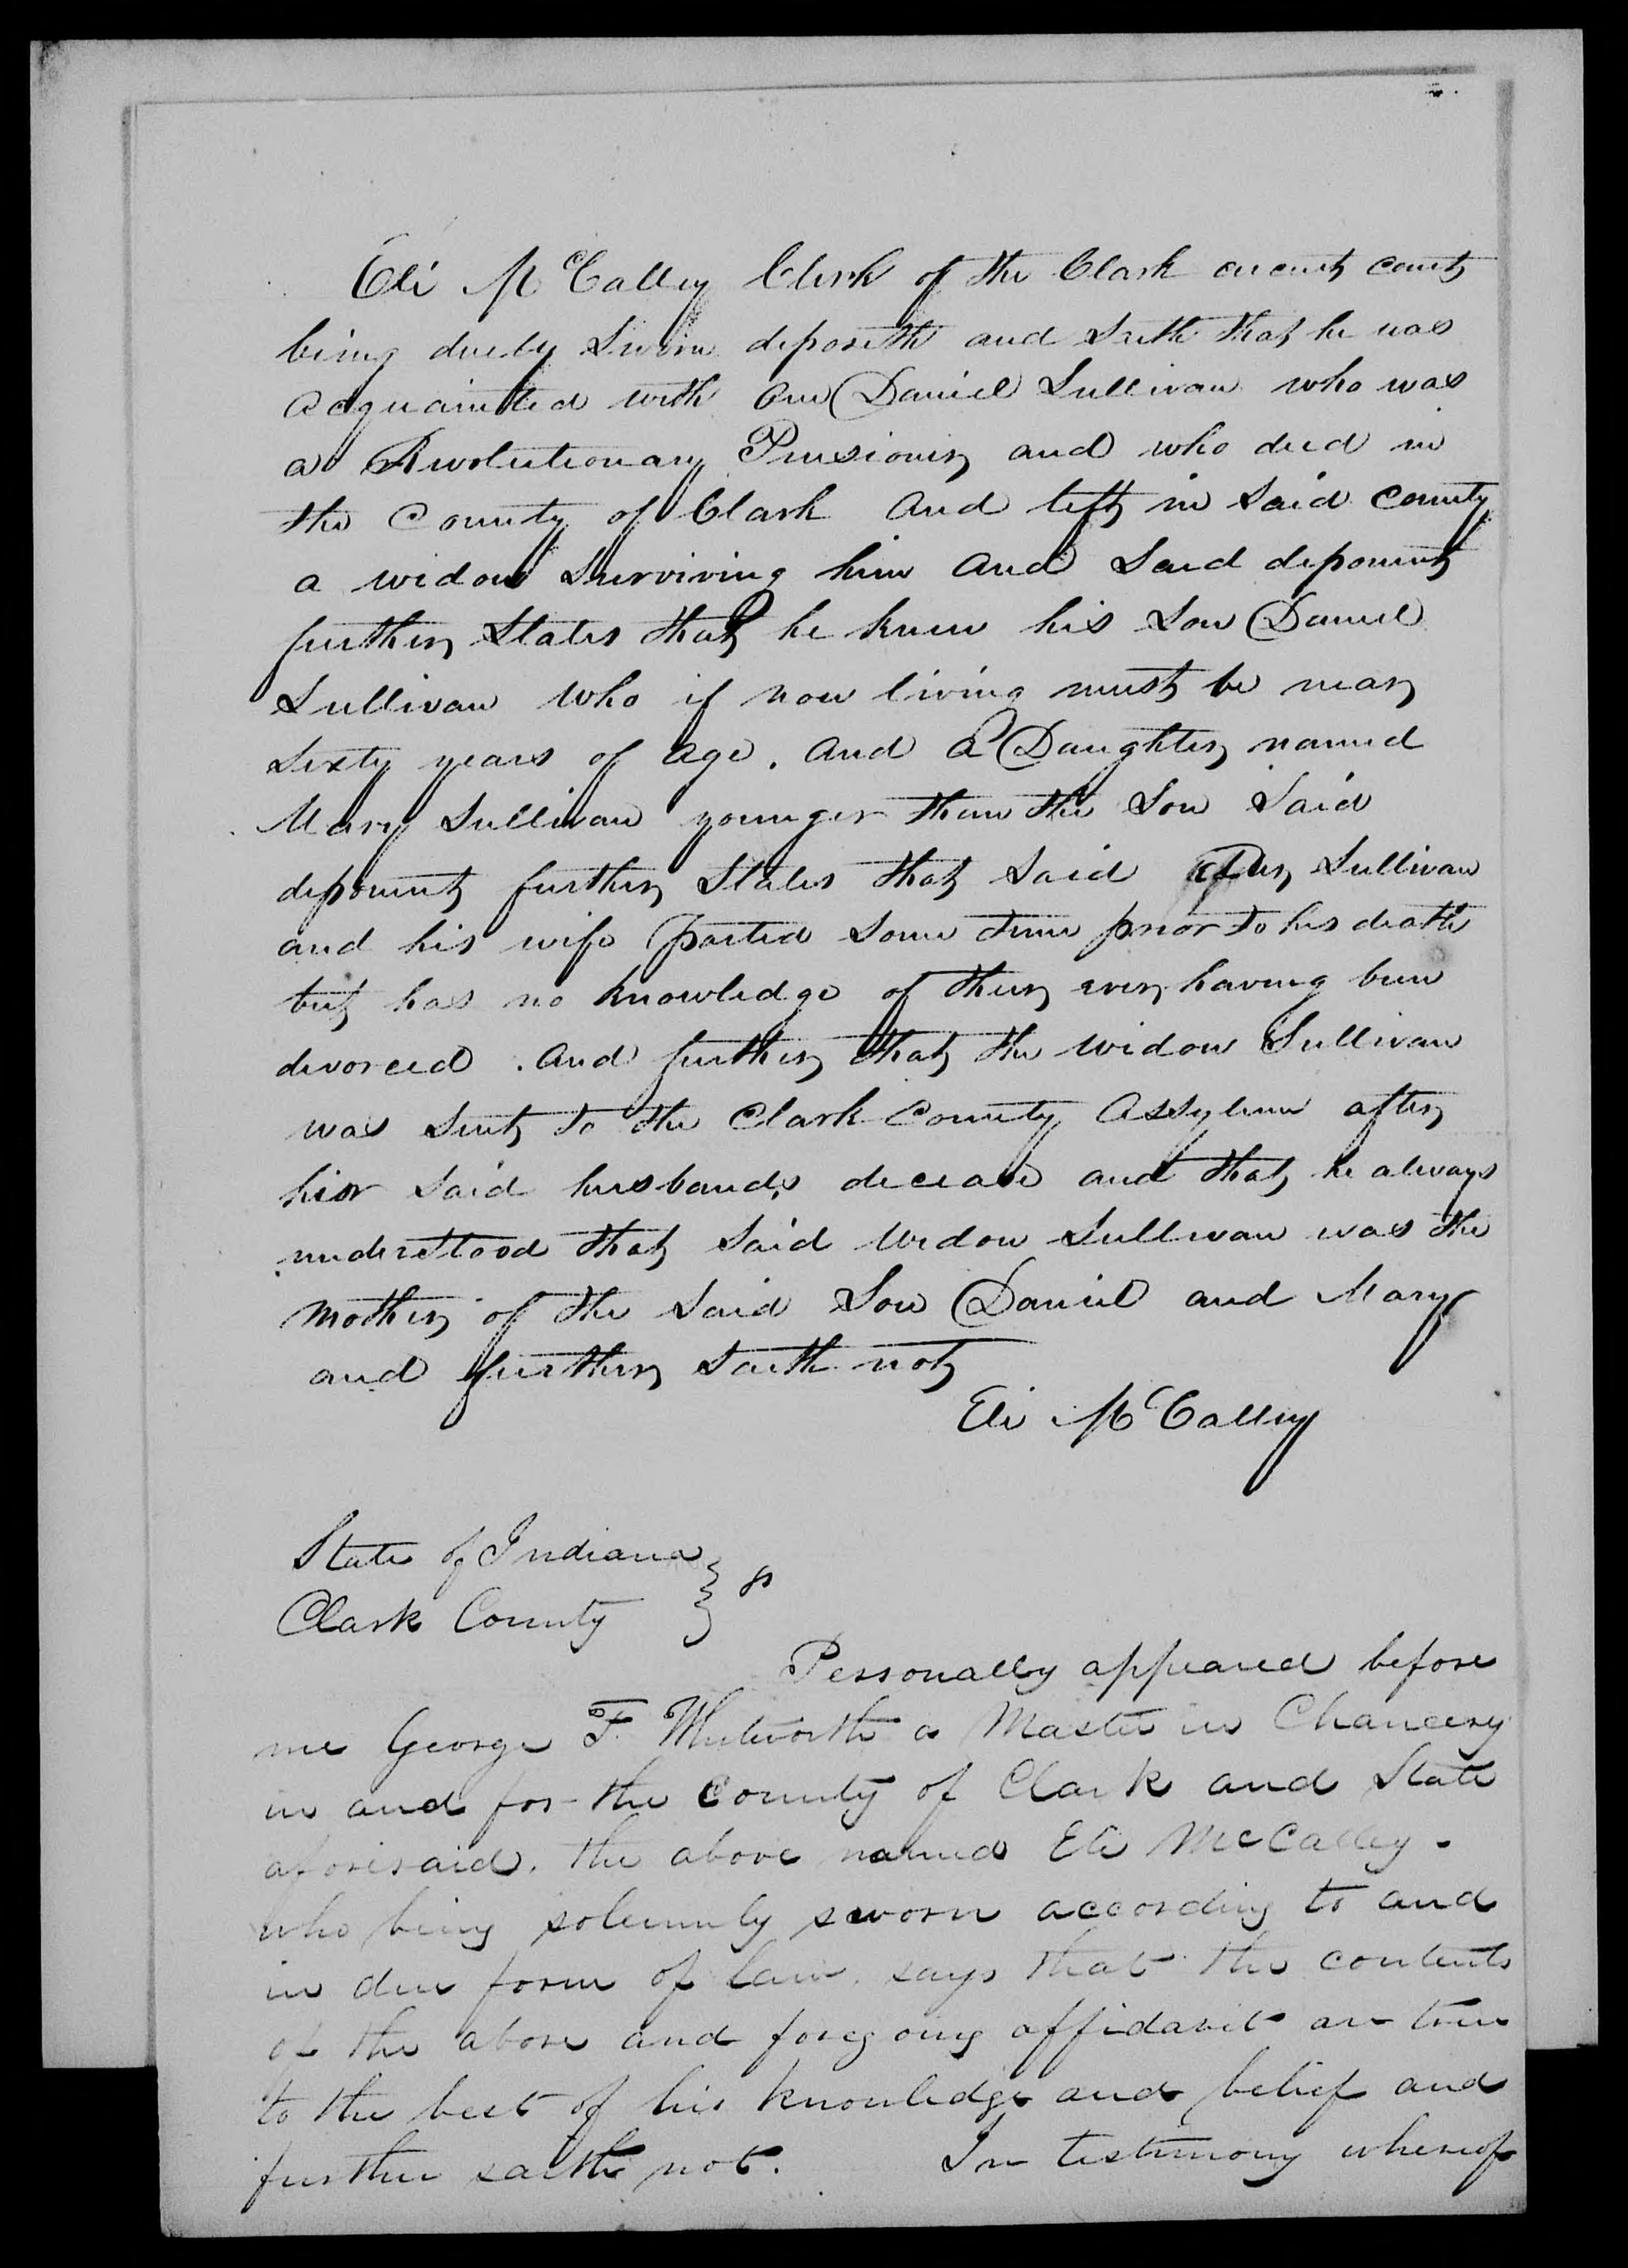Eli McCalley Clerk of the Clark Circuit Court being duly sworn deposeth and saith that he was acquainted with one Daniel Sullivan who was a Revolutionary Pensioner and who died in the County of Clark and left in Said County a widow surviving him and Said deponent further states that he knew his Son Daniel Sullivan who is now living must be near Sixty years of age. And a Daughter named Mary Sullivan younger than the Son Said deponent further States that said [illegible], Sullivan and his wife parted some time prior to his death but has no knowledge of their ever having been divorced; and further that the widow Sullivan was sent to the Clark County Asylum after her said husbands decease and that he always understood that Said widow Sullivan was the mother of the said Son Daniel and Mary and further saith not
[signed] Eli M Calley
 
State of Indiana Clark County } ss
Personally appeared before me George F Whitworth a Master in Chancery in and for the County of Clark and State aforesaid, the above named Eli McCalley who being solemnly sworn according to and in due form of law, says that the contents of the above and foregoing affidavit are true to the best of his knowledge and belief and further saith not In testimony whereof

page: 32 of 78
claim: widow's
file: W. 25,169, for Daniel Sullivan, Maryland